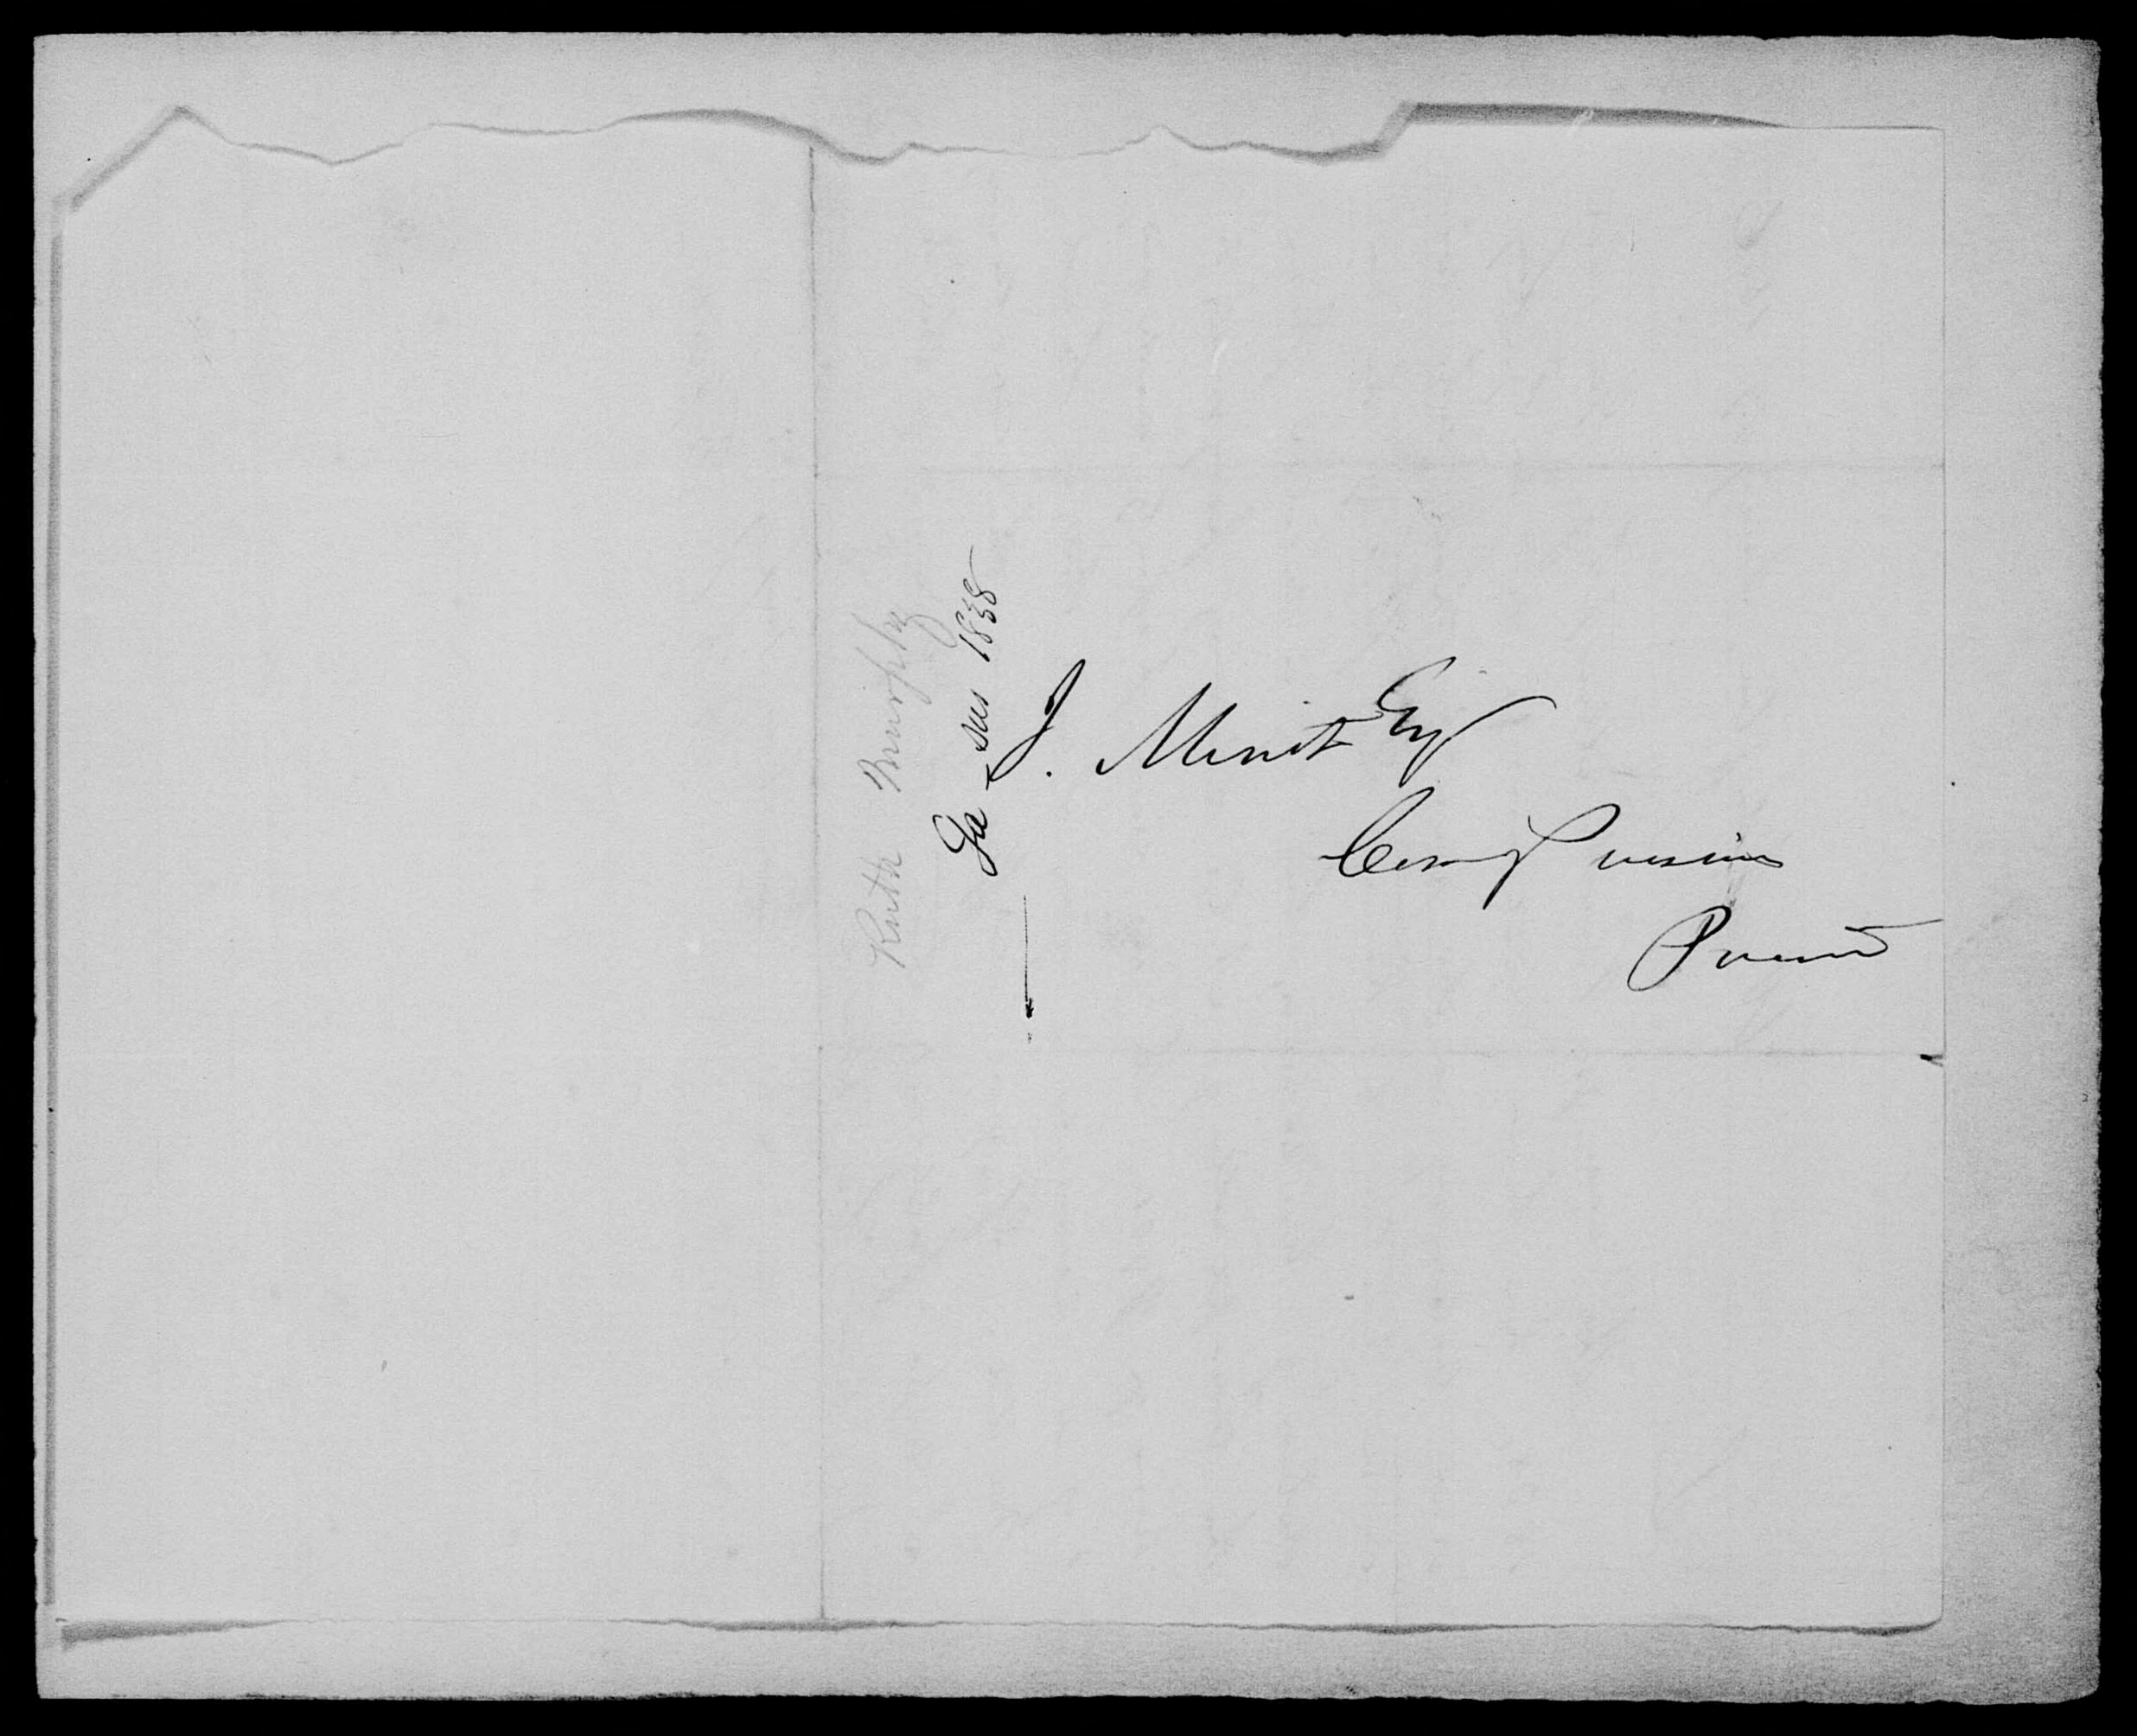Vertically written:
Ruth Murphy Ja -(three letters not legible) 1838
Horizontally written:
J. Minot Esq
Com of  Pension
P(scribbled)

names: Ruth Murphy, J Minot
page: 39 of 108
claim: rejected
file: R. 7,515, John Hudgins, N.C.